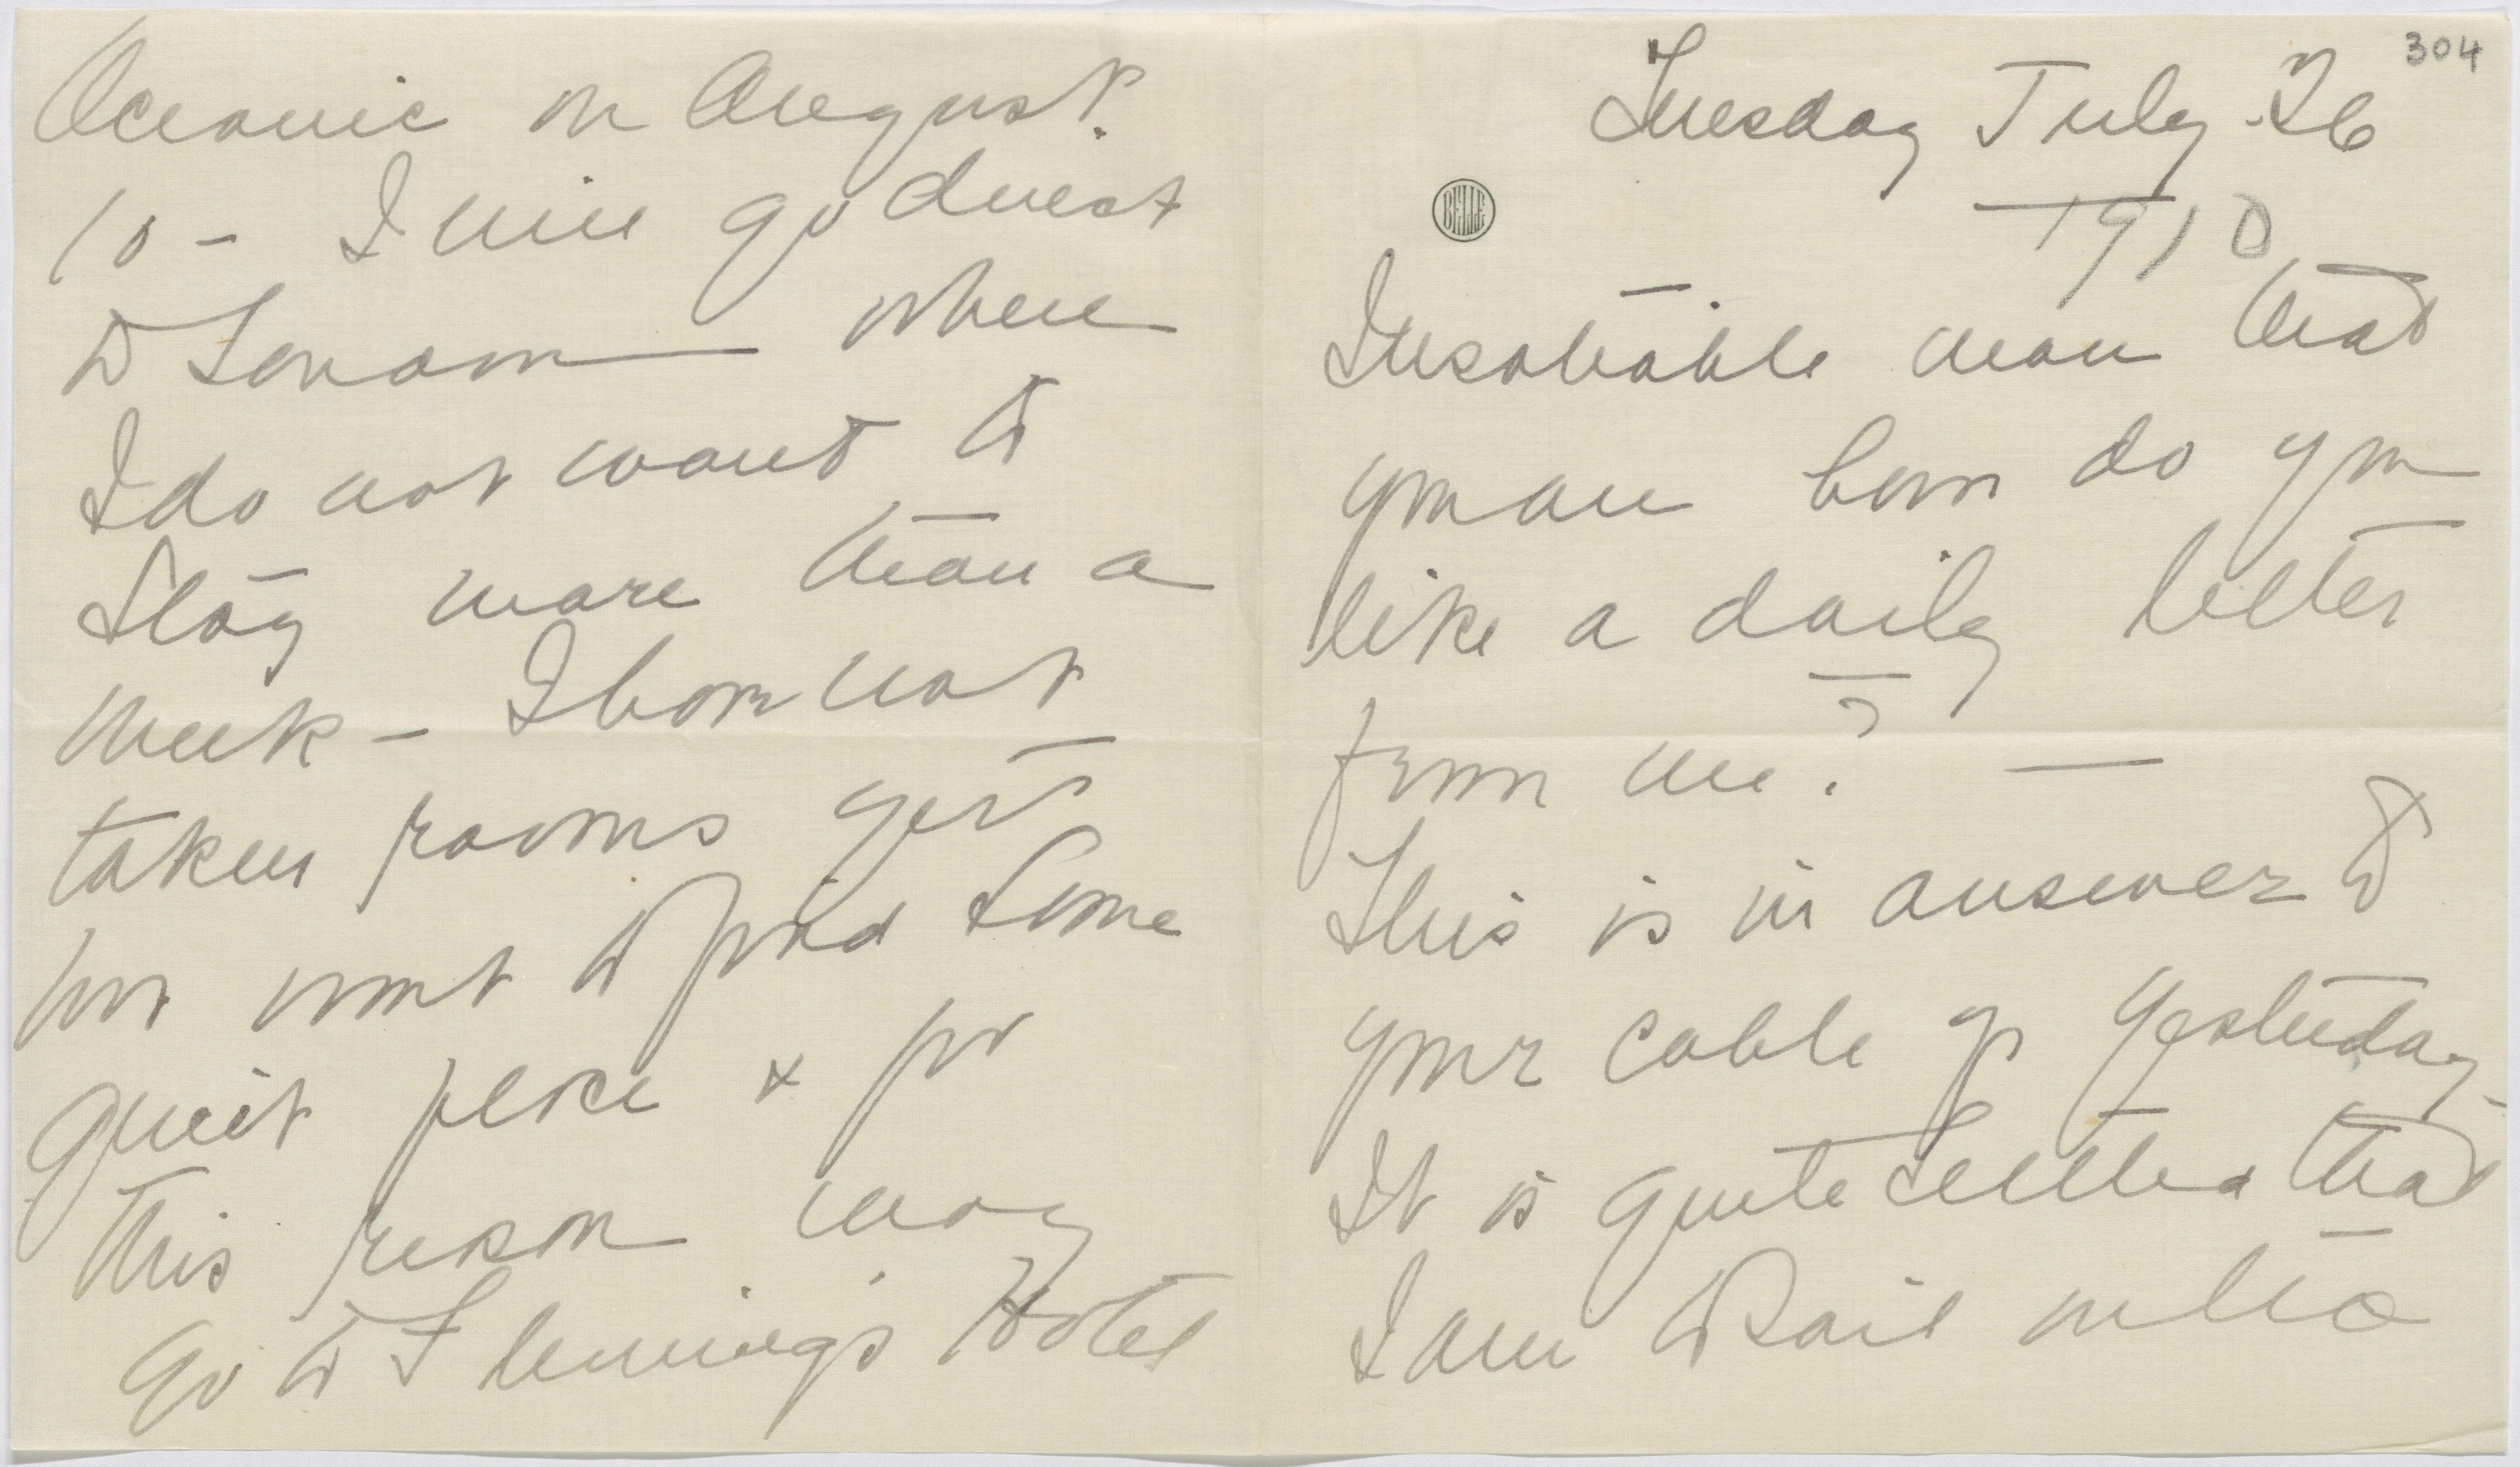Tuesday July 26
Insatiable man that you are how do you like a daily letter from me? –
This is in answer to your cable of yesterday – It is quite settled that I am to sail on the
Oceanic on August 10 – I will go direct to London where I do not want to stay more than a week – I have not taken rooms yet but want to find some quiet place & for this reason may go to Fleming’s Hotel